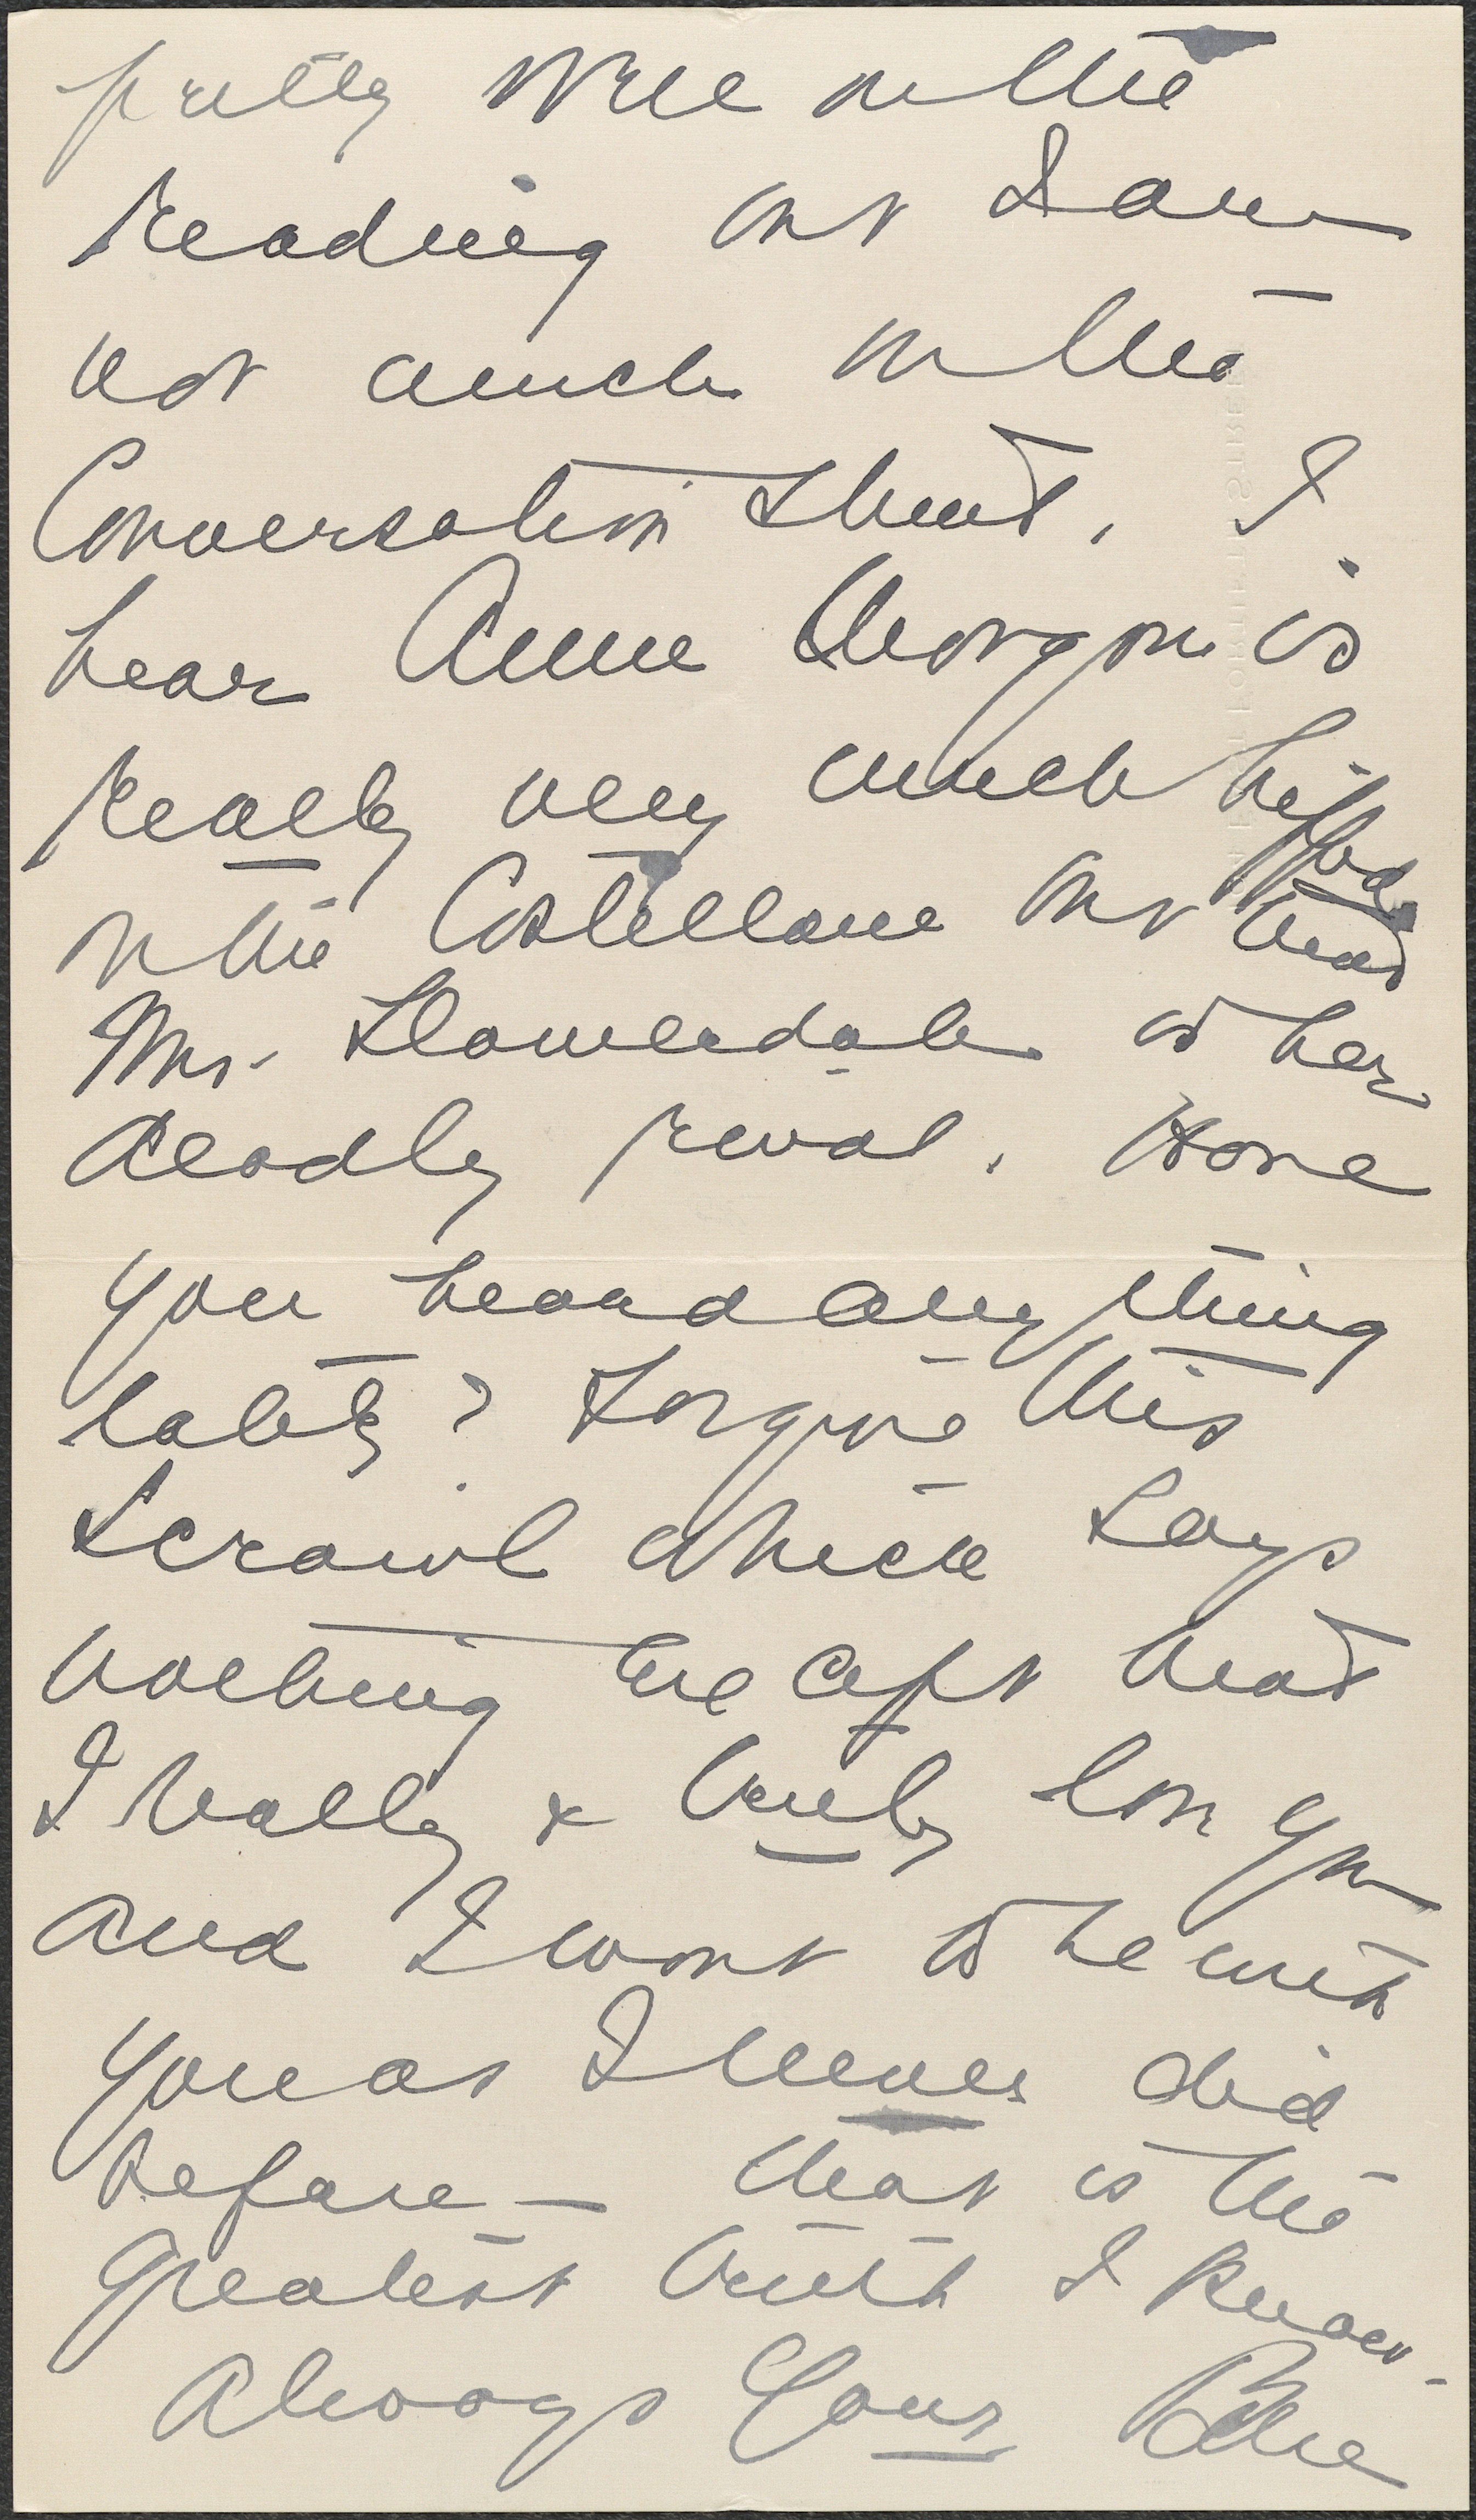pretty well on the reading but I am not much on the conversation sheet, I hear Anne Morgan is really very much biffed on the Costellano but that Mrs. Flowerdale is her deadly rival. Have you heard anything lately? Forgive this scrawl which says nothing except that I really & truly love you and I want to be with you as I never did before – that is the greatest truth I know. Always Your Belle